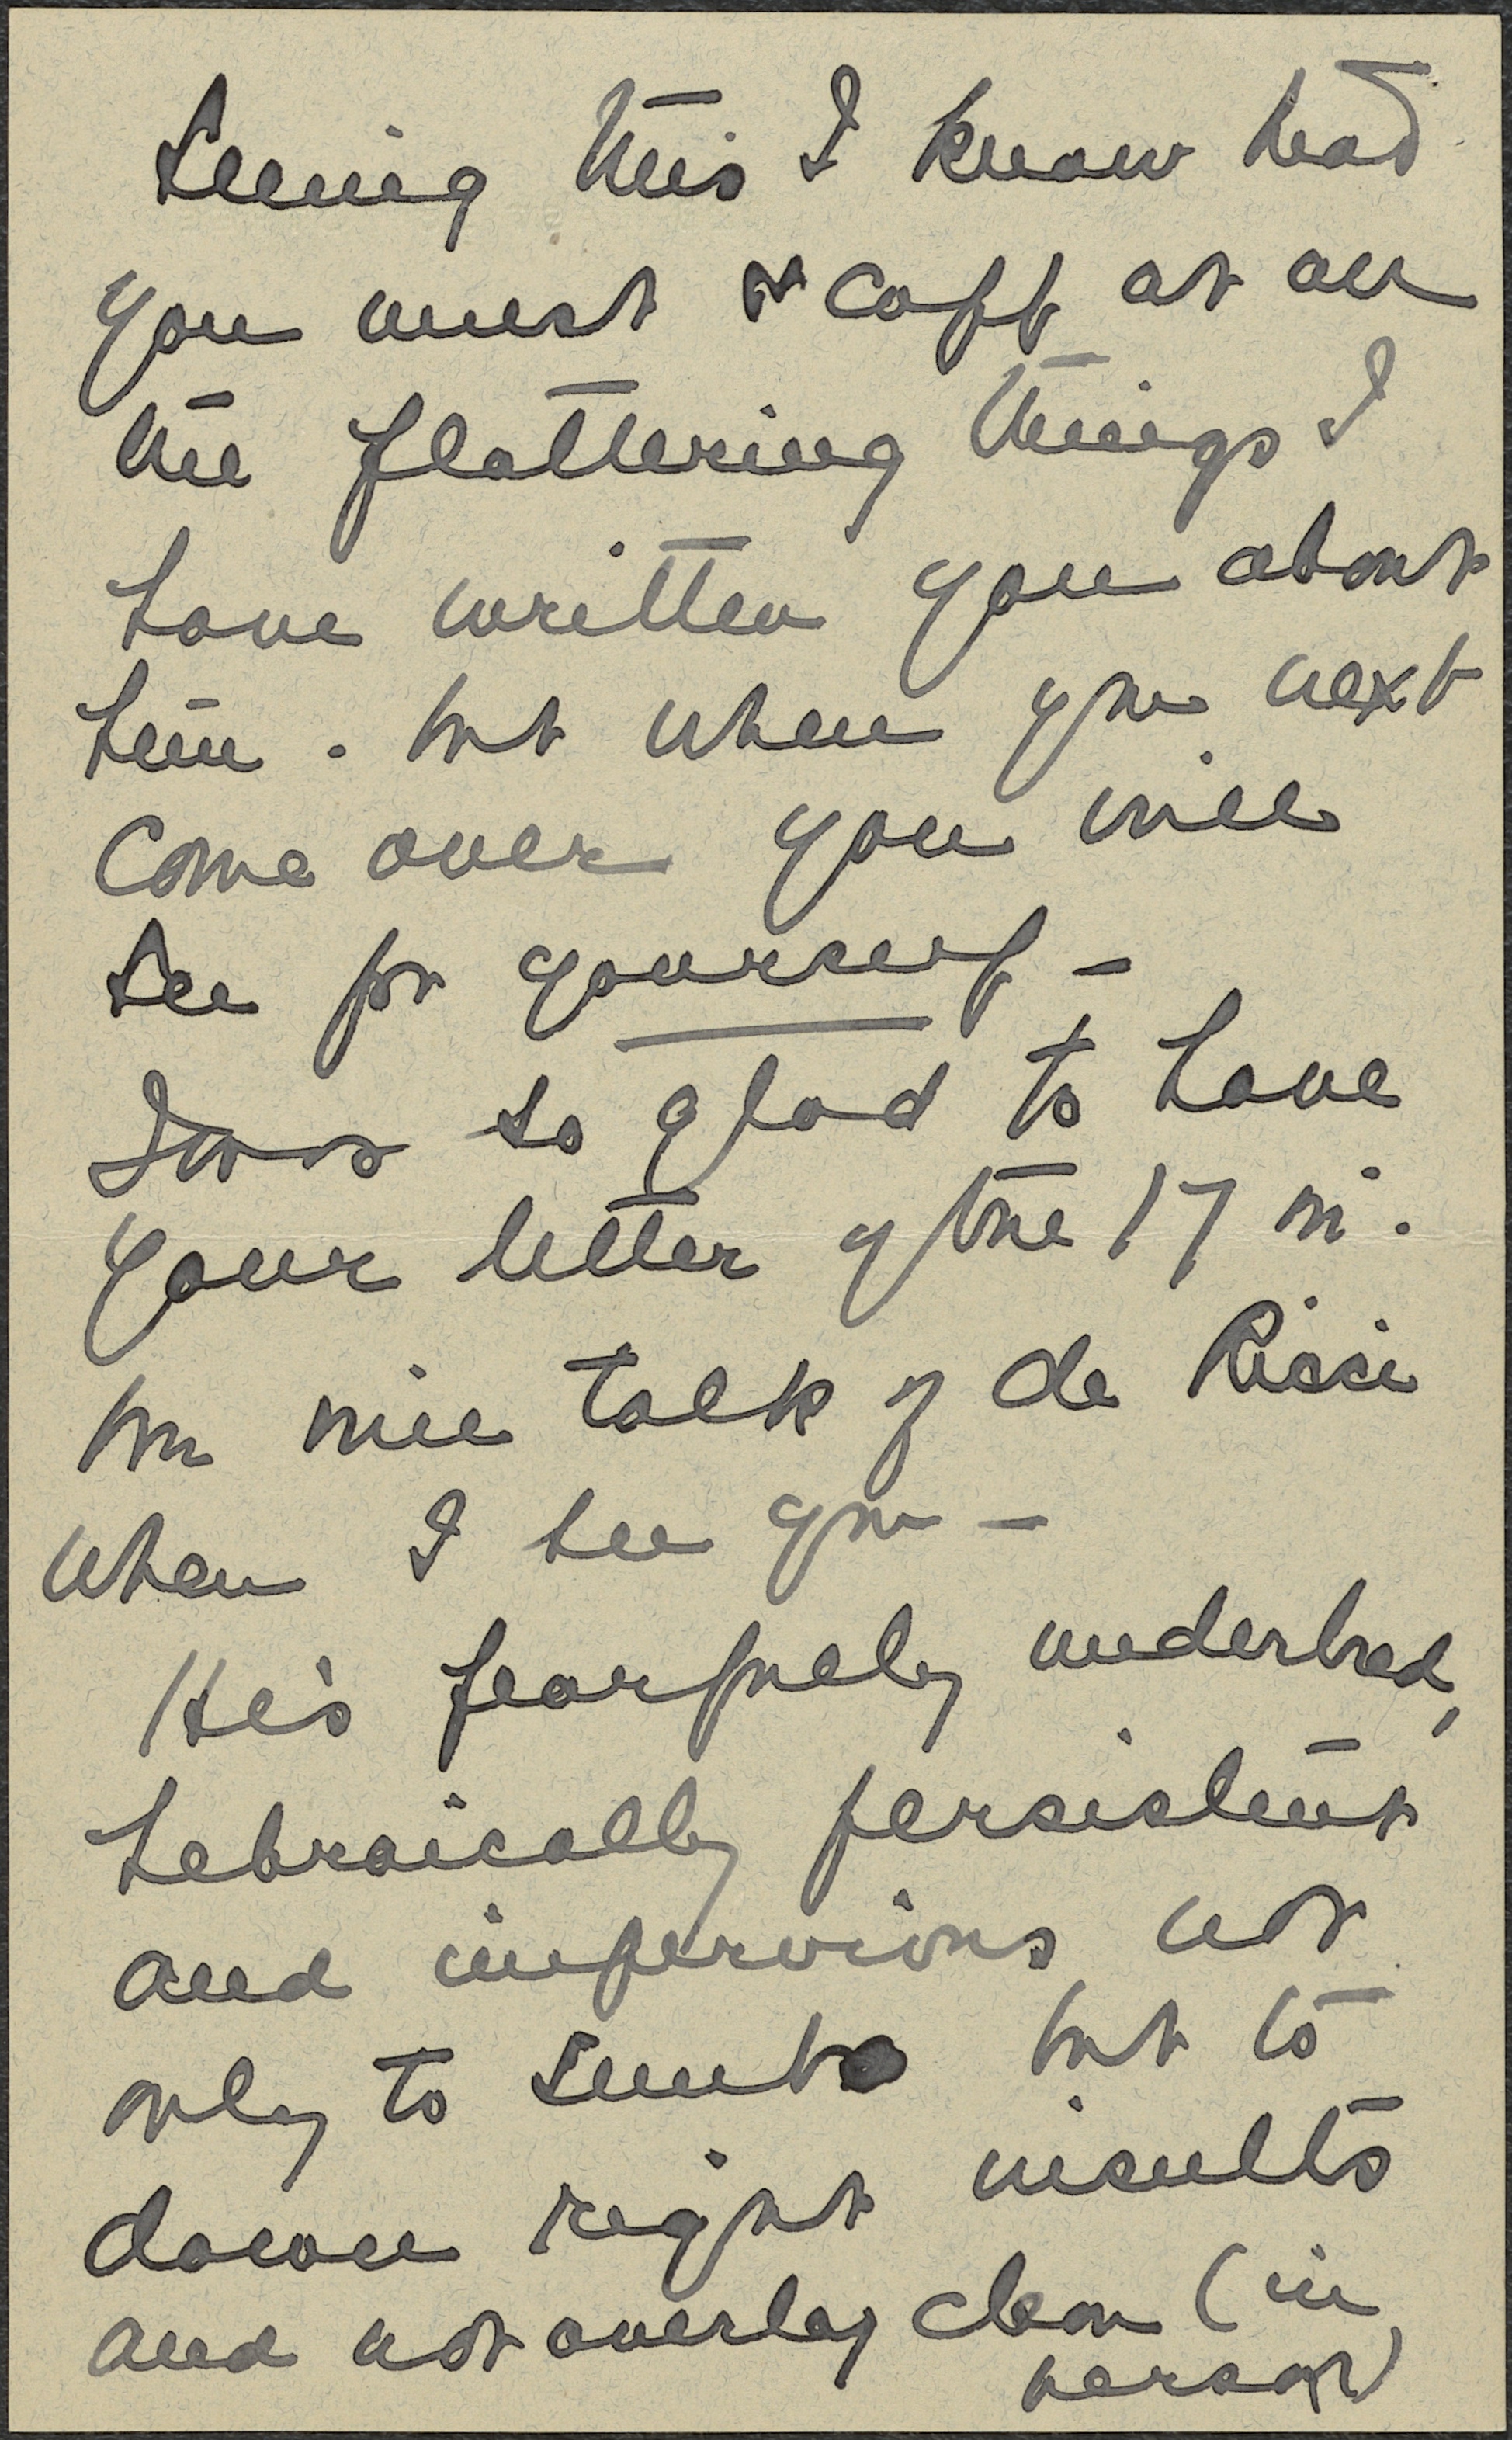seeing this I know that you must scoff at all the flattering things I have written you about him. but when you next come over you will see for yourself –
I was so glad to have your letter of the 17th. We will talk of de Ricci when I see you –
he's fearfully underbred, Hebraically persistent and impervious not only to snubs but to down right insults and not overly clean (in person)